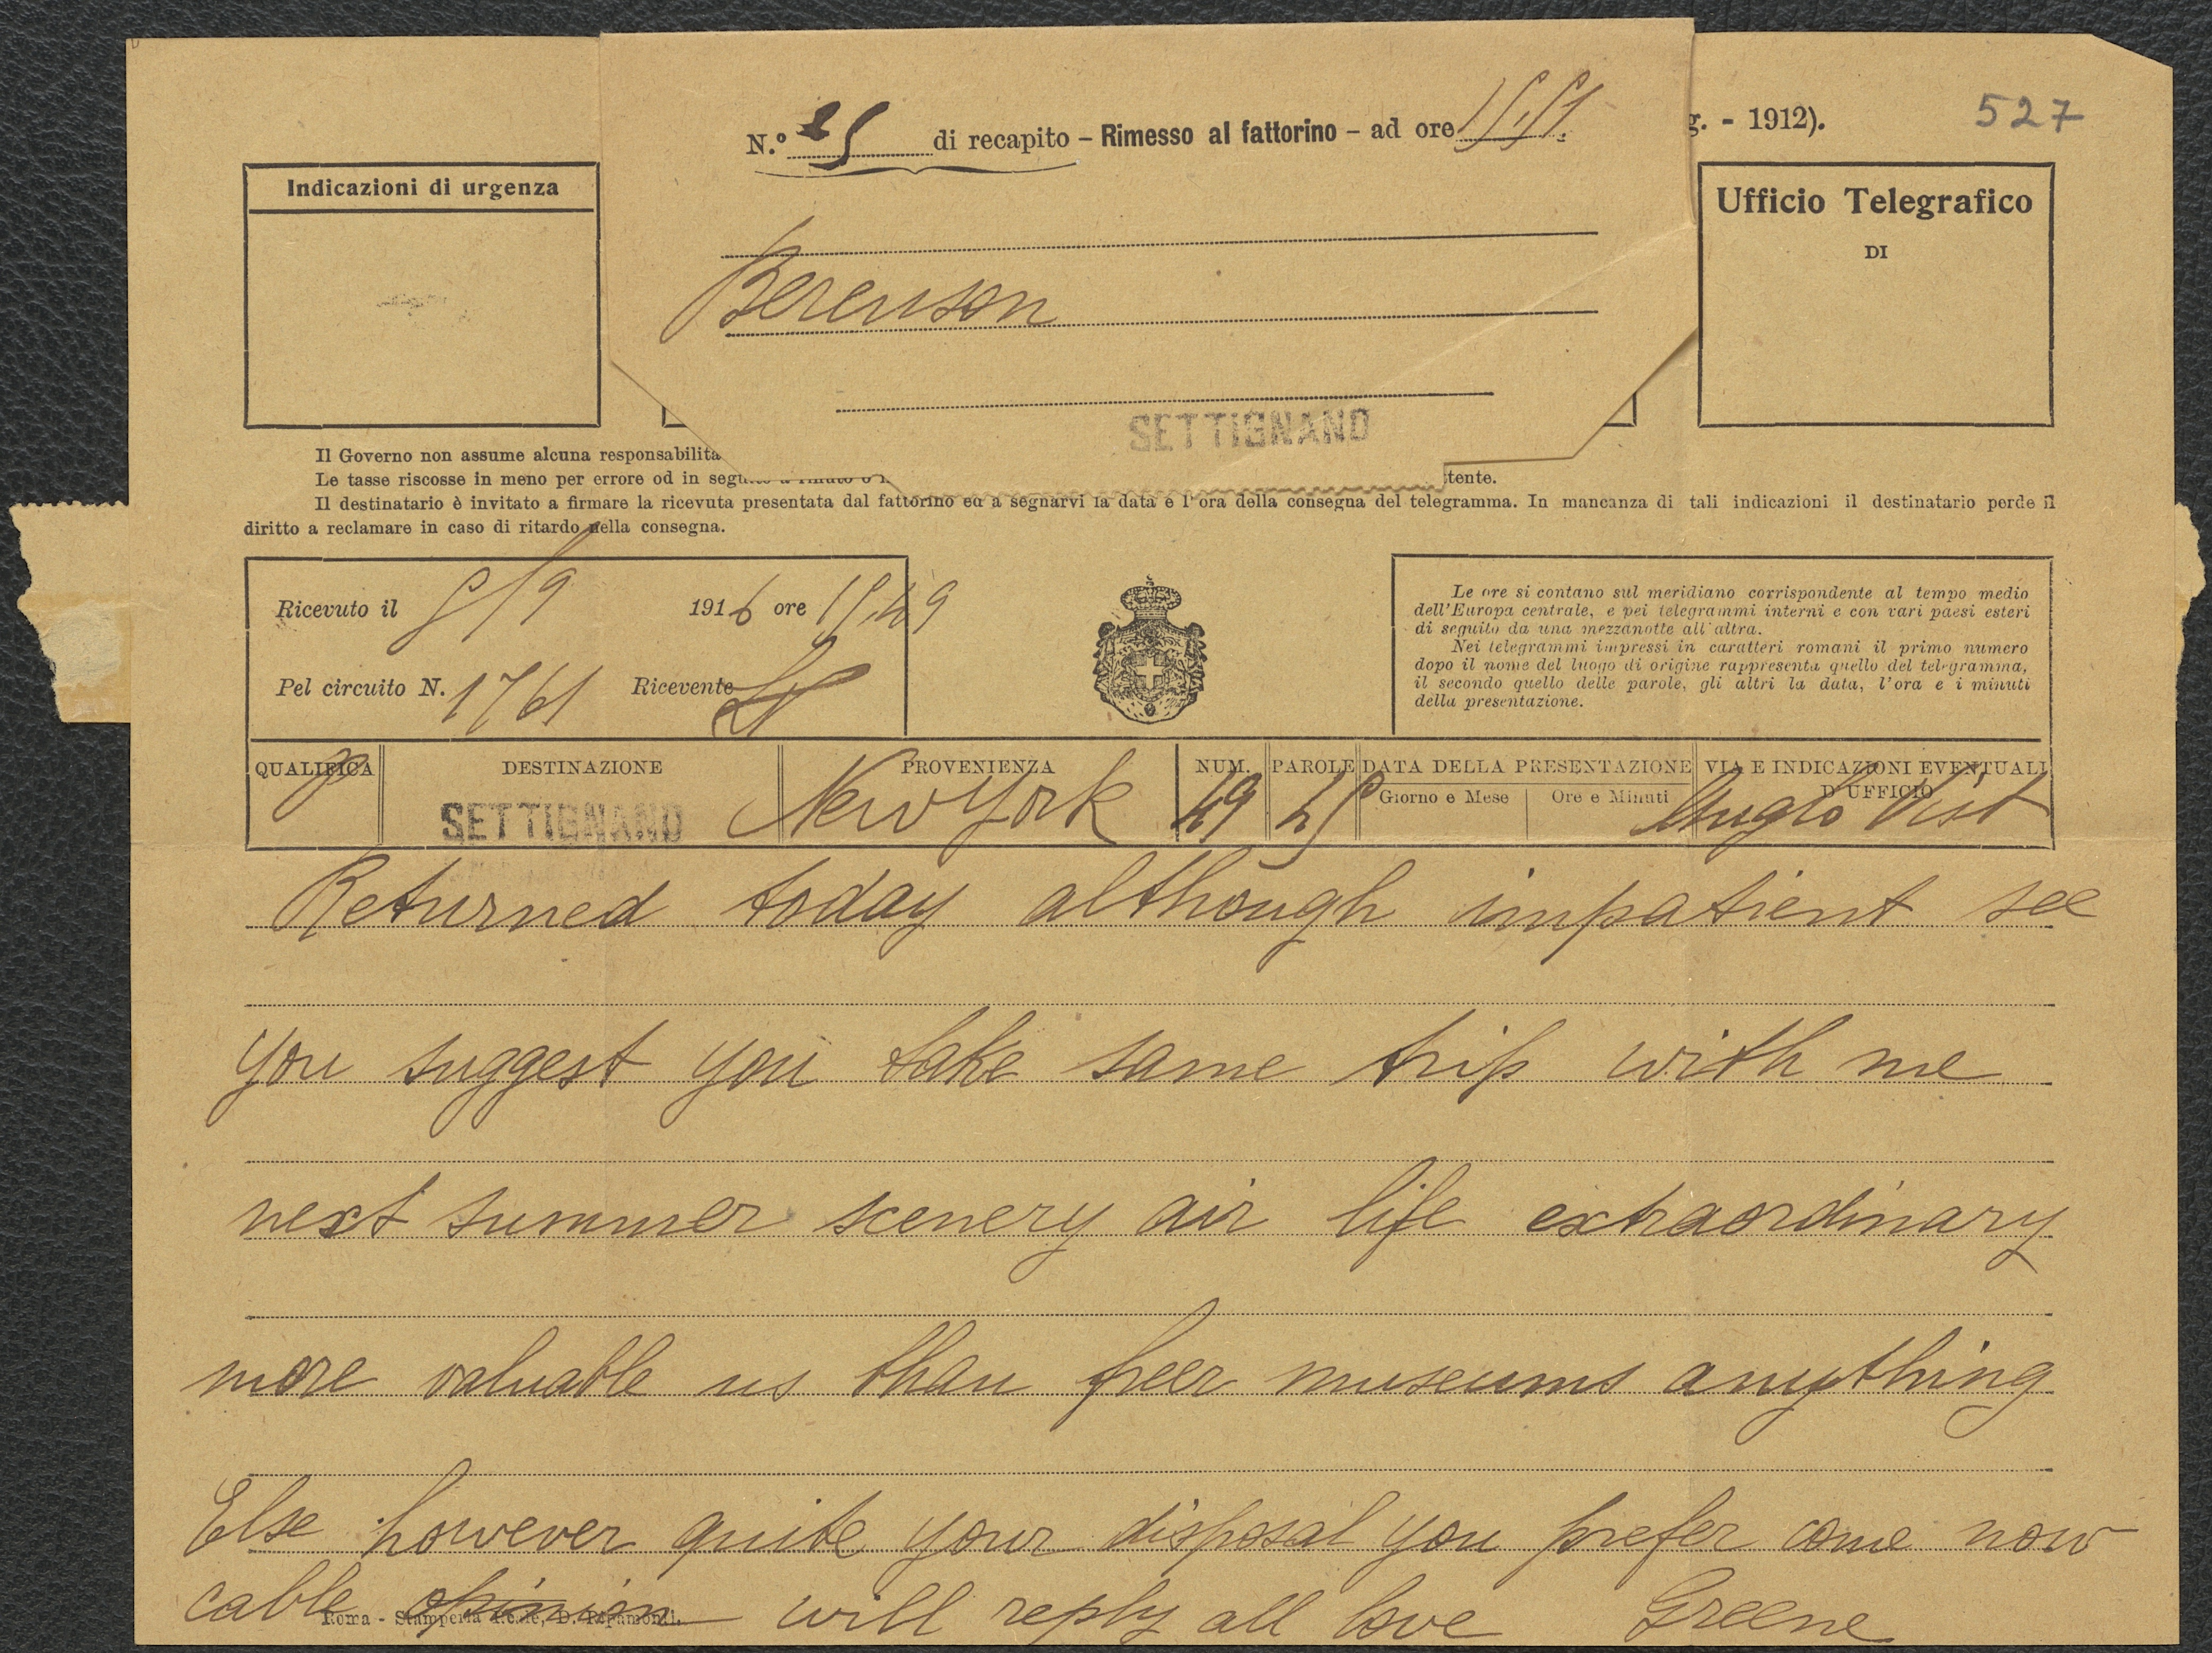Returned today although impatient see you suggest you take same trip with me
next summer scenery air life extraordinary more valuable us than freer museums anything
else however quite your disposal you prefer come now cable opinion will reply all love. Greene